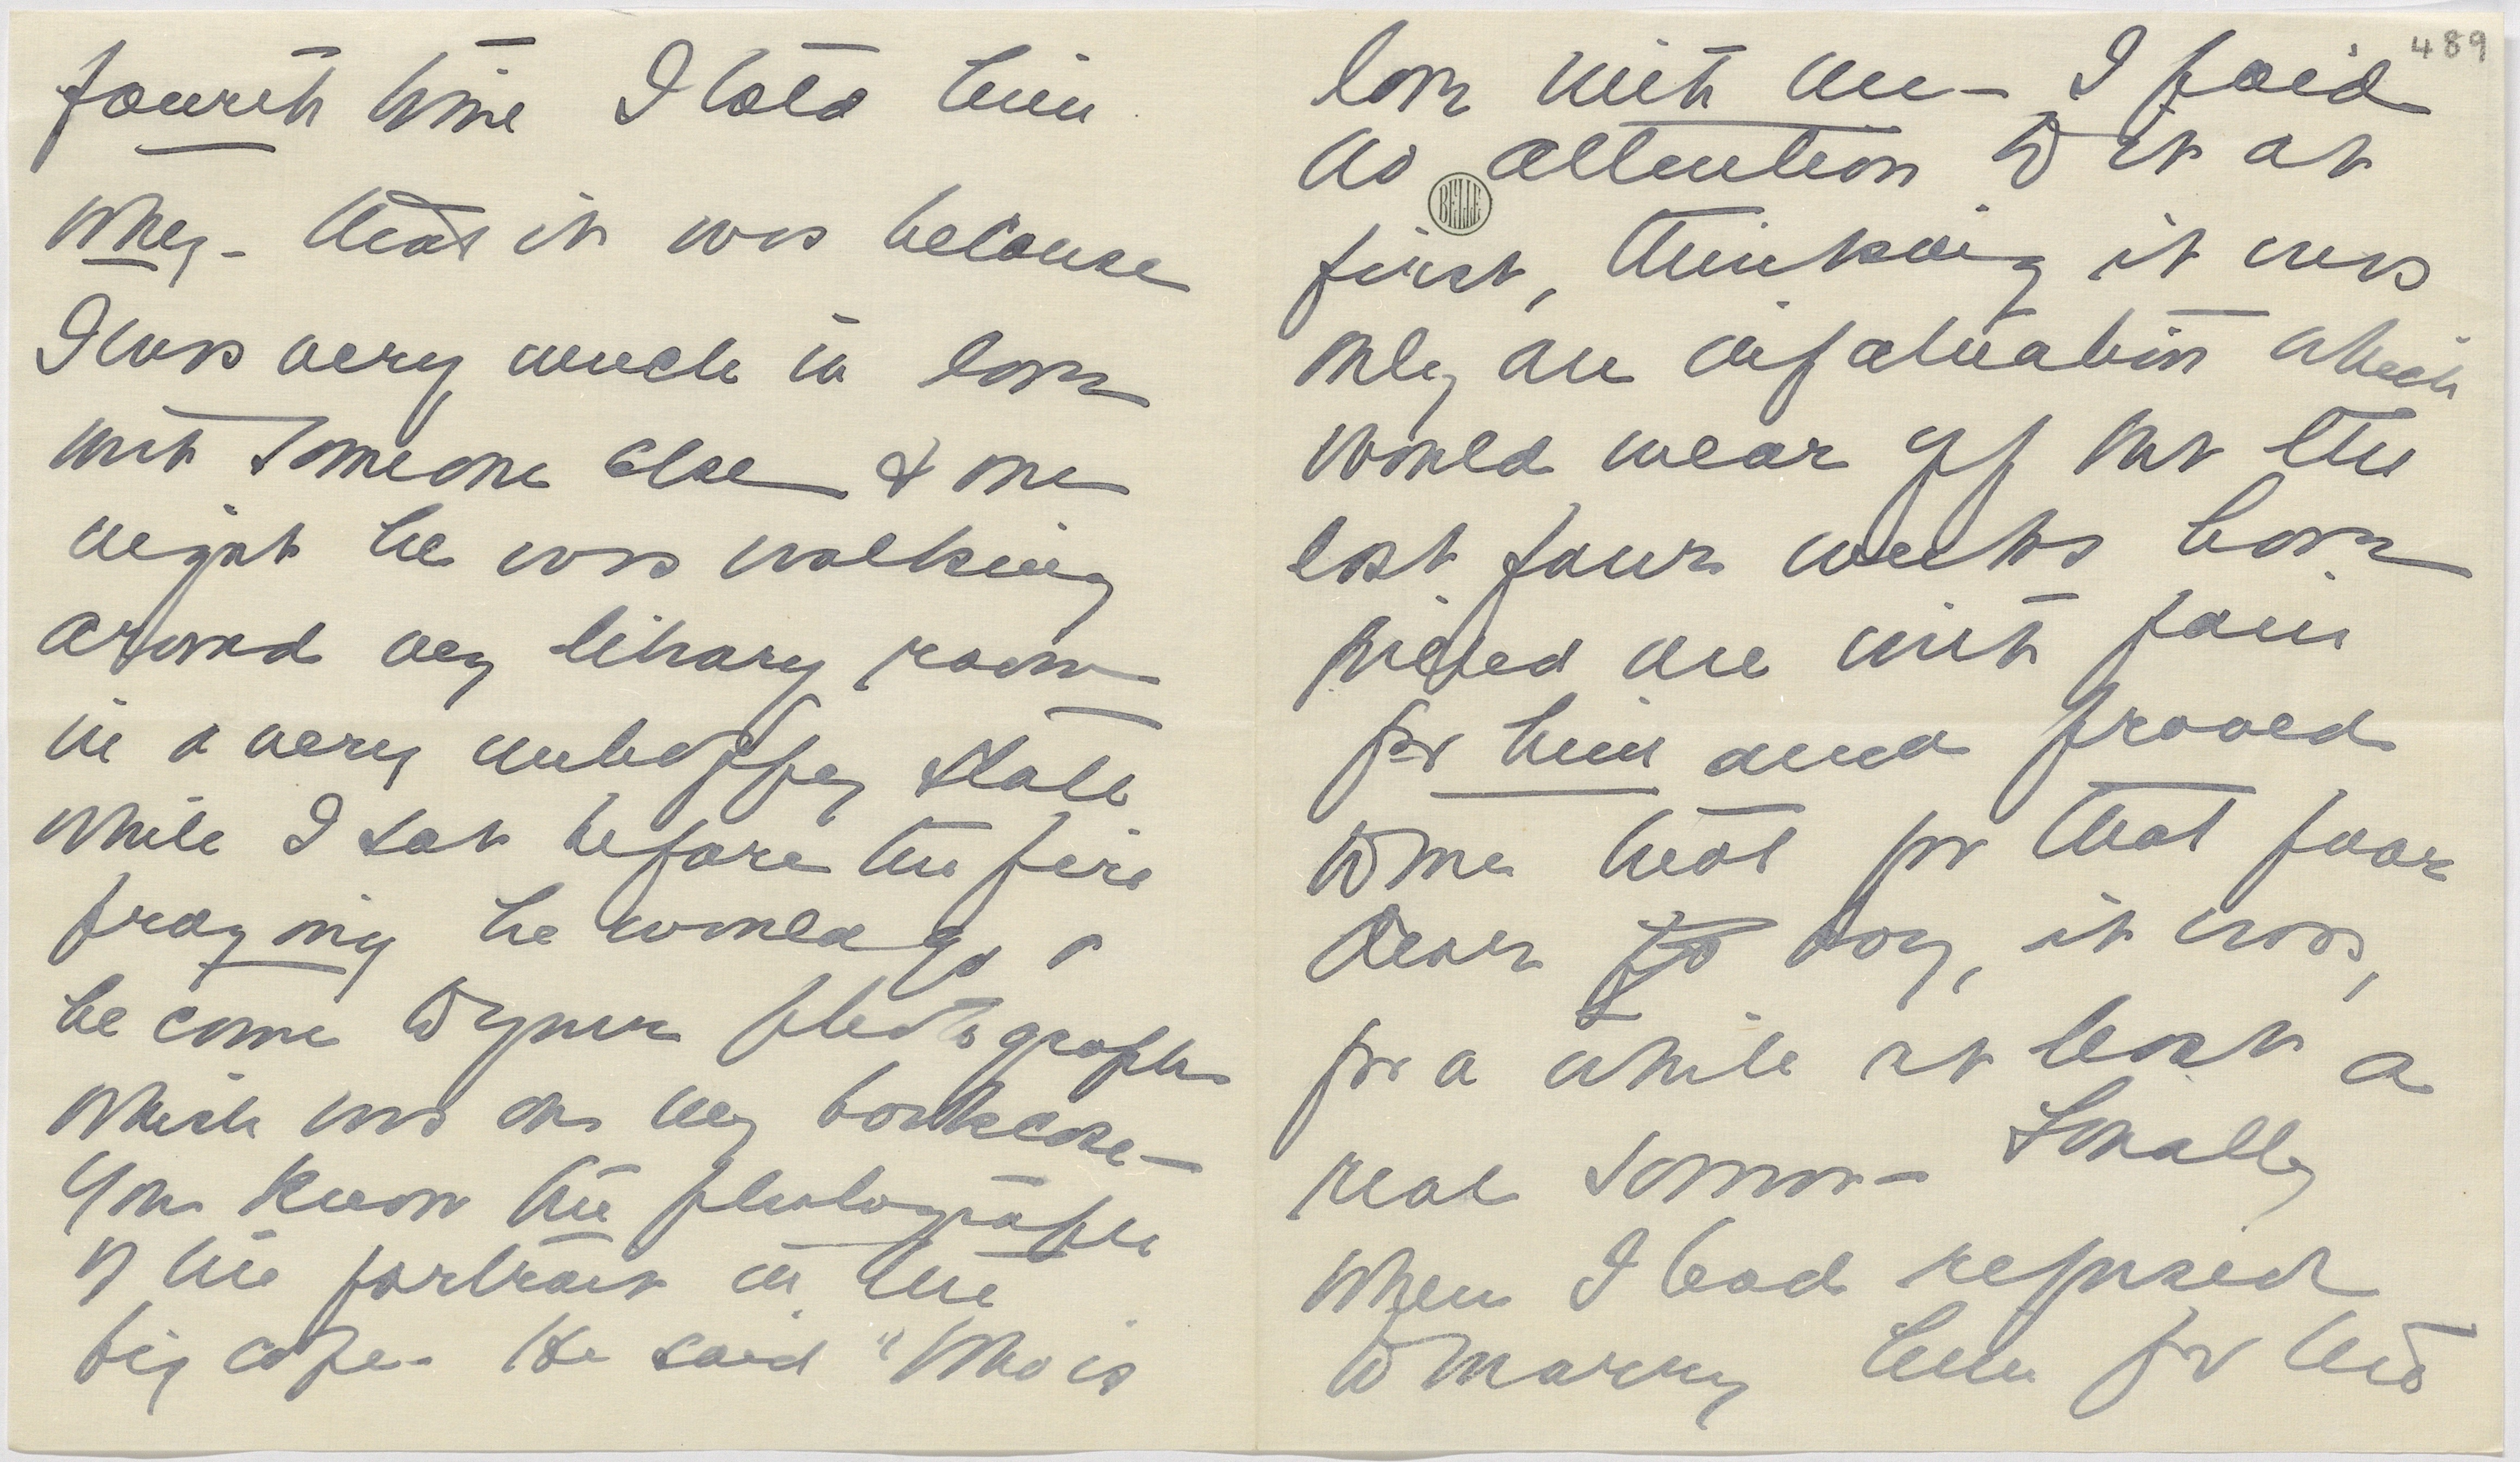love with me – I paid no attention to it at first, thinking it was only an infatuation which would wear off but the last four weeks have filled me with pain for him and proved to me that for that poor dear po boy, it was, for a while at least a real sorrow – Finally when I had refused to marry him for the
fourth time I told him why – that it was because I was very much in love with someone else & one night he was walking around my library room in a very unhappy state while I sat before the fire praying he would go & he came to your photograph which was on my bookcase – You know the photograph of the portrait in the big cape – He said “Who is